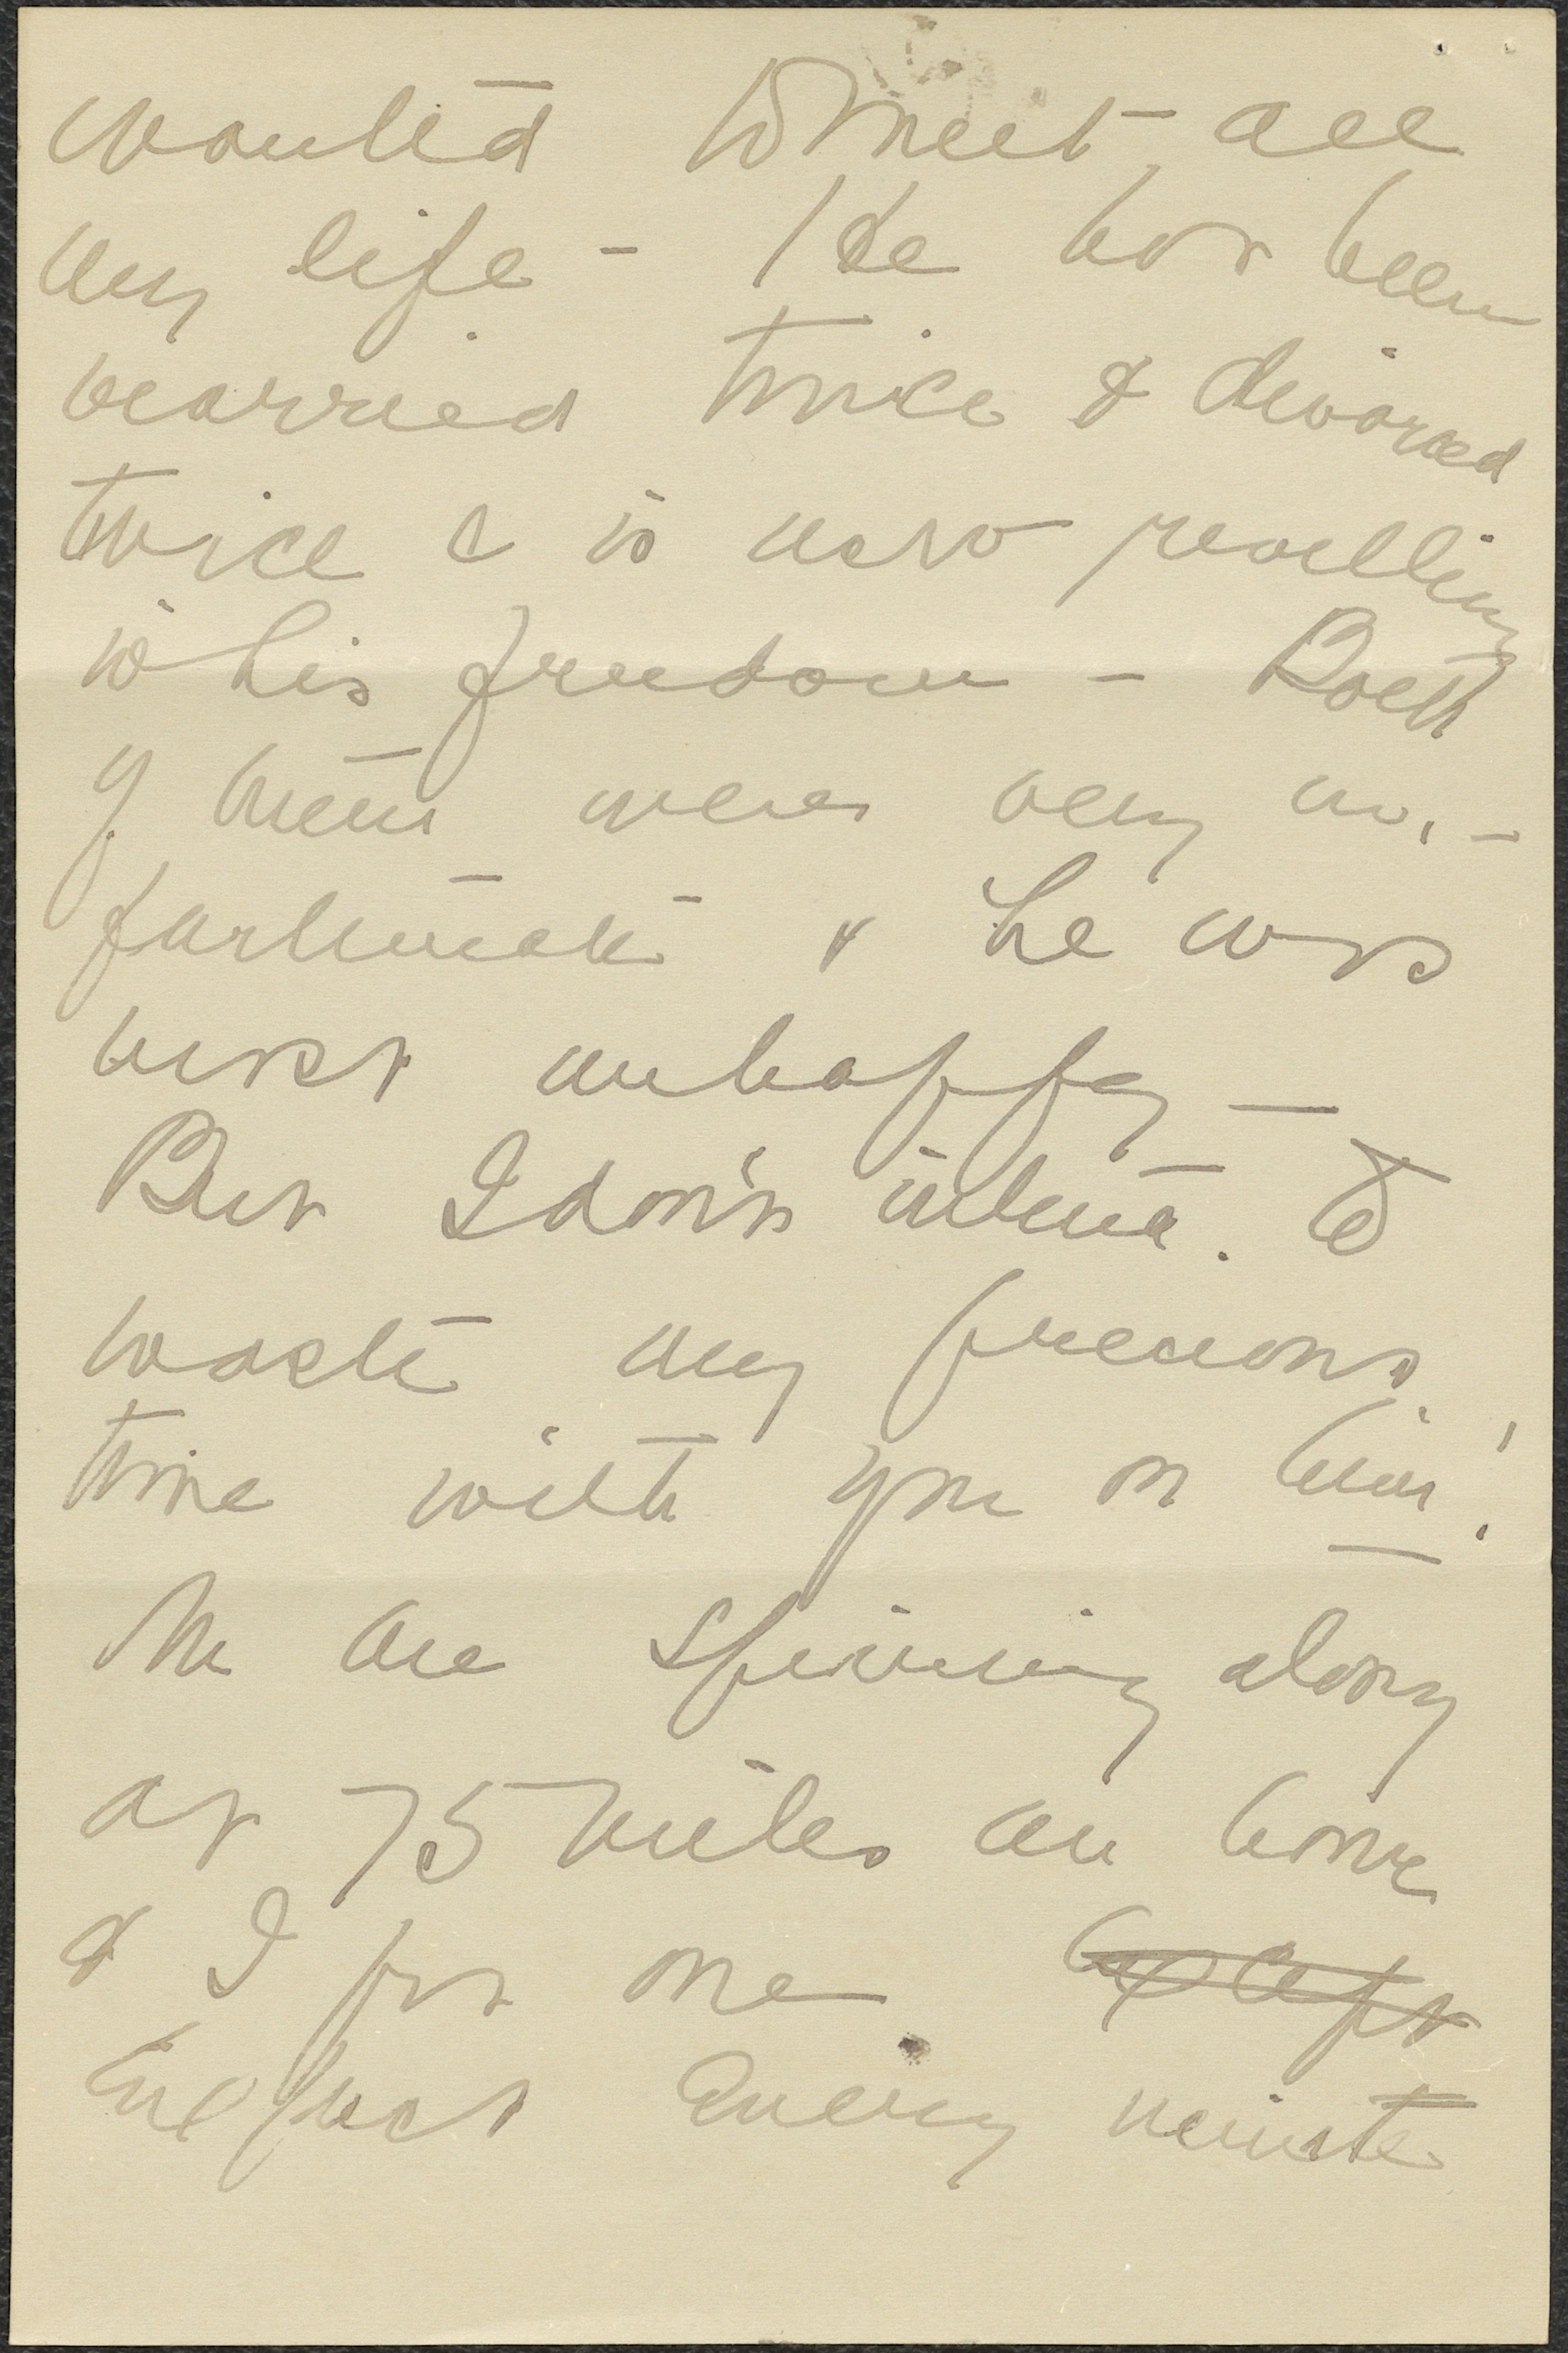wanted to meet all my life – He has been married twice & divorced twice & is now revelling in his freedom – Both of them were very unfortunate & he was most unhappy –
But I don’t intend to waste my precious time with you on him! We are spinning along at 75 miles an hour & I for one except expect every minute